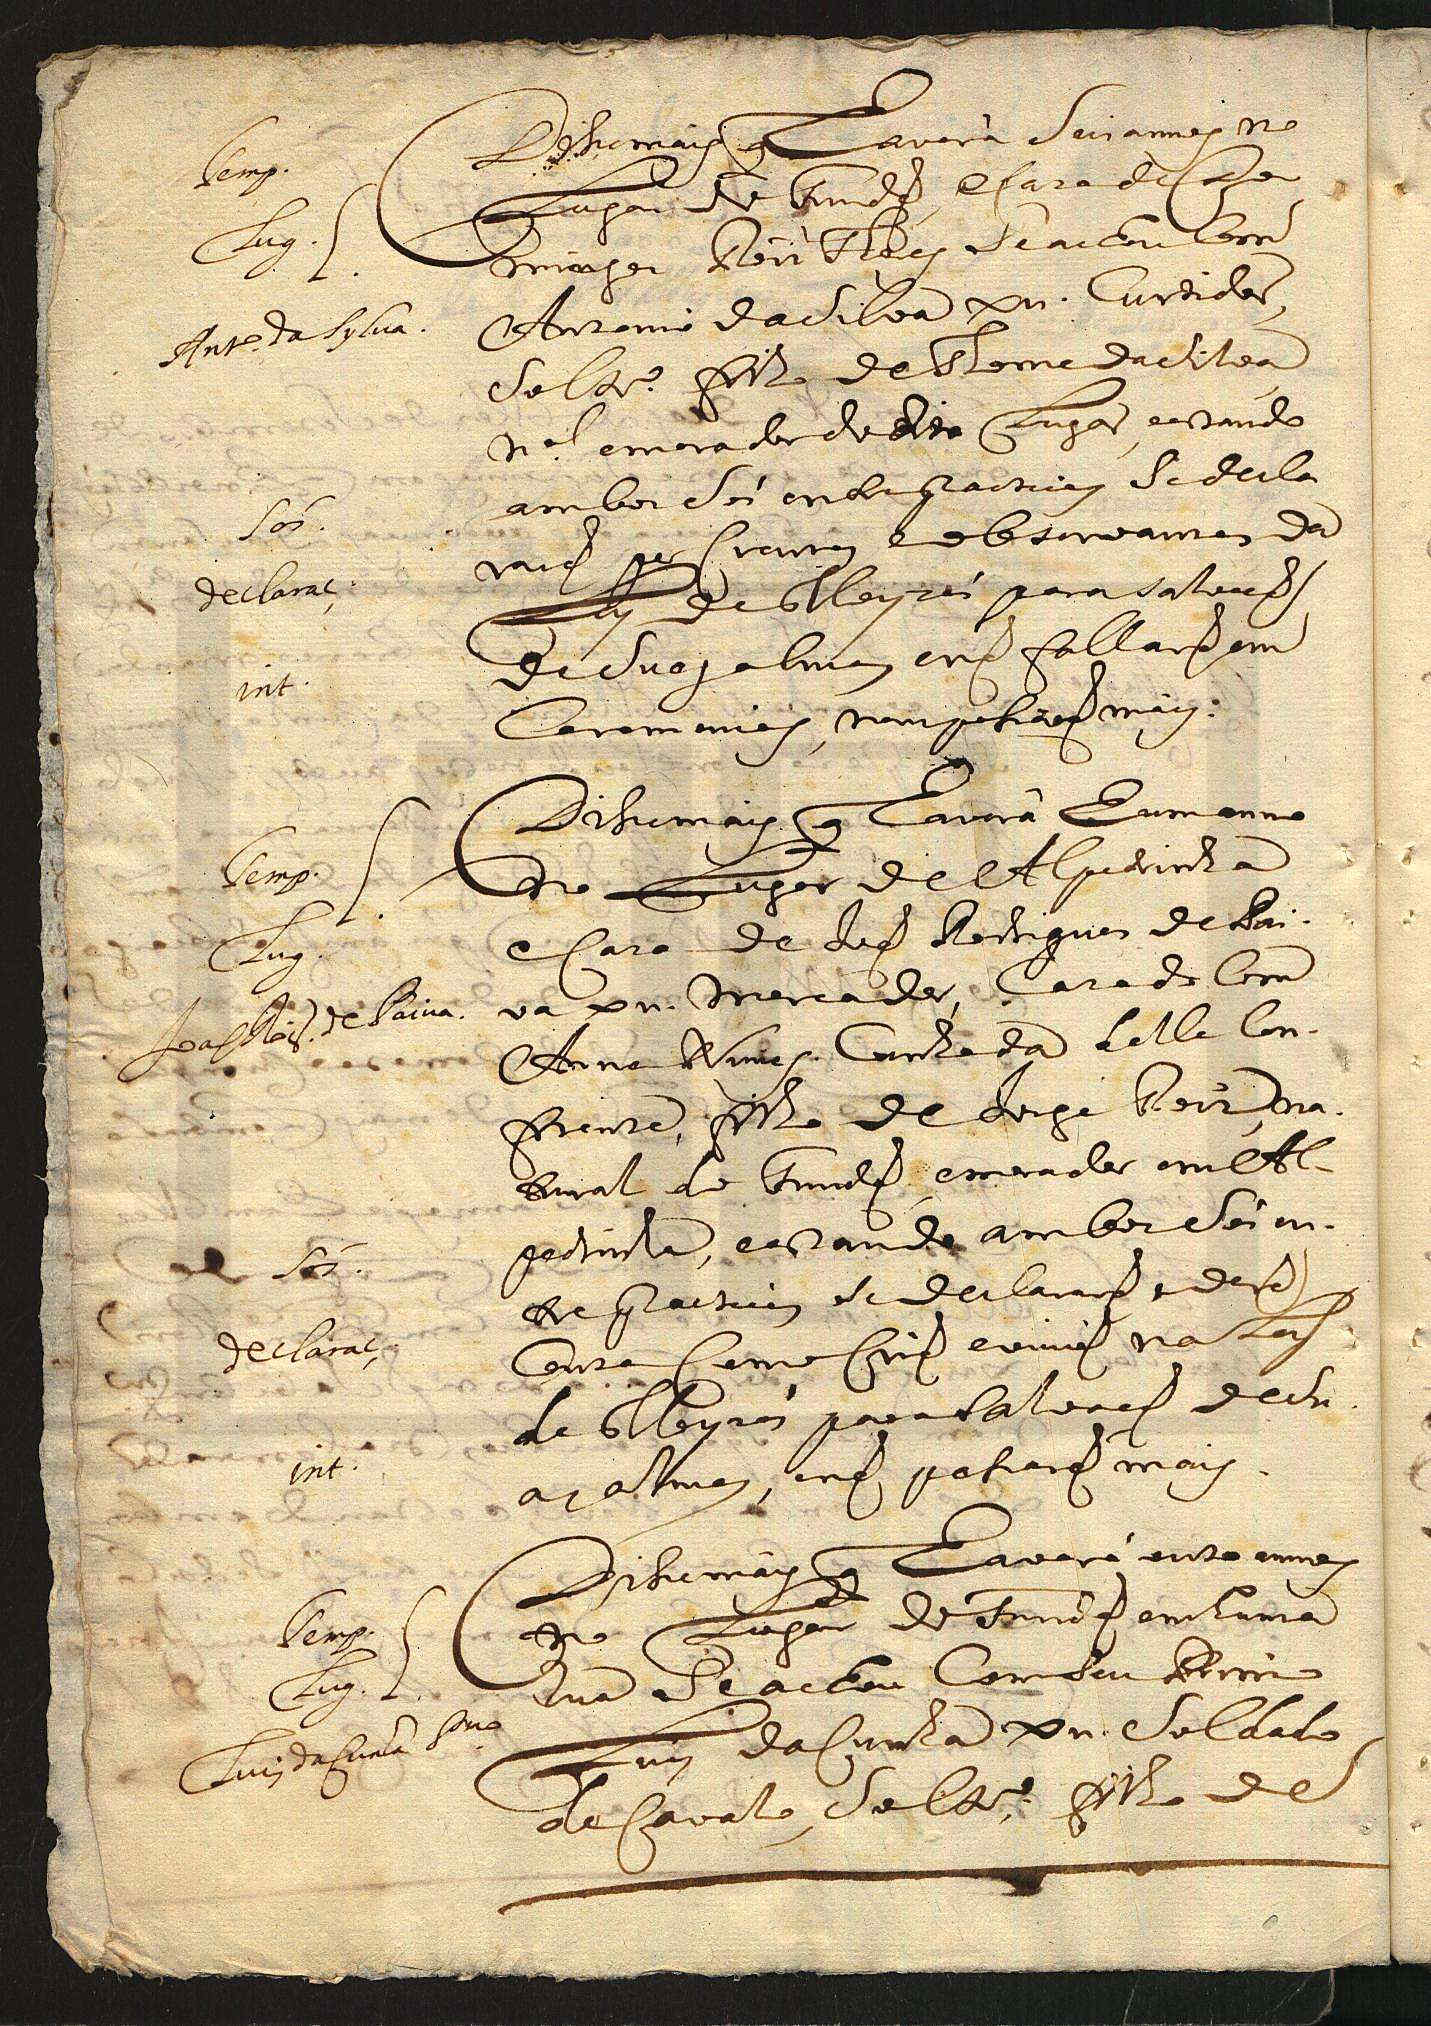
Disse mais q̄ haverá Seis annos no
Temp.
Lugar do Fundaõ e Caza de Do
mingos Roiz̄ Flores se achou Com
Lug. L.
Antonio da Silva xn. Curtidor,
Anto da Sylua.
Soltr.o filho de Thome da Silva
n.al e morador do dito Lugar, e estando
ambos Sós entre practicas Se decla
sós.
raraõ por Crentes e observantes da
Ley de Moyzés para salvaçaõ
declaraç
de Suas almas e naõ fallaraõ em
int
Ceremonias, nem passaraõ mais:
Disse mais q̄ haverá hum anno
no Lugar de Alpedrinha
Temp.
e Caza de Ioaõ Rodrigues de Pai
Lug.
va xn. mercador, Cazado Com
Joaõ Rois̄ de Paiua.
Anna Nunes. Cunhada delle Con
fitente, filho de Iorge Roiz̄, na
tural do Fundaõ, e morador em Al
pedrinha, e estando ambos Sós en
sós.
tre pRacticas se declararaõ, e deraõ
Conta Como Criaõ e viuiaõ na Ley
declaraç
de Moyzés para salvaçaõ de sua
int.
as almas, e naõ passaraõ mais
Disse mais q̄ haverá outo annos
no Lugar do Fundaõ em huma
Temp.
Rua Se achou Com Seu Primo
Lug. L.
Luis da Cunha Pmo.
Luis da Cunha xn. Soldado
de Cavalo, Soltr.o, filho de
